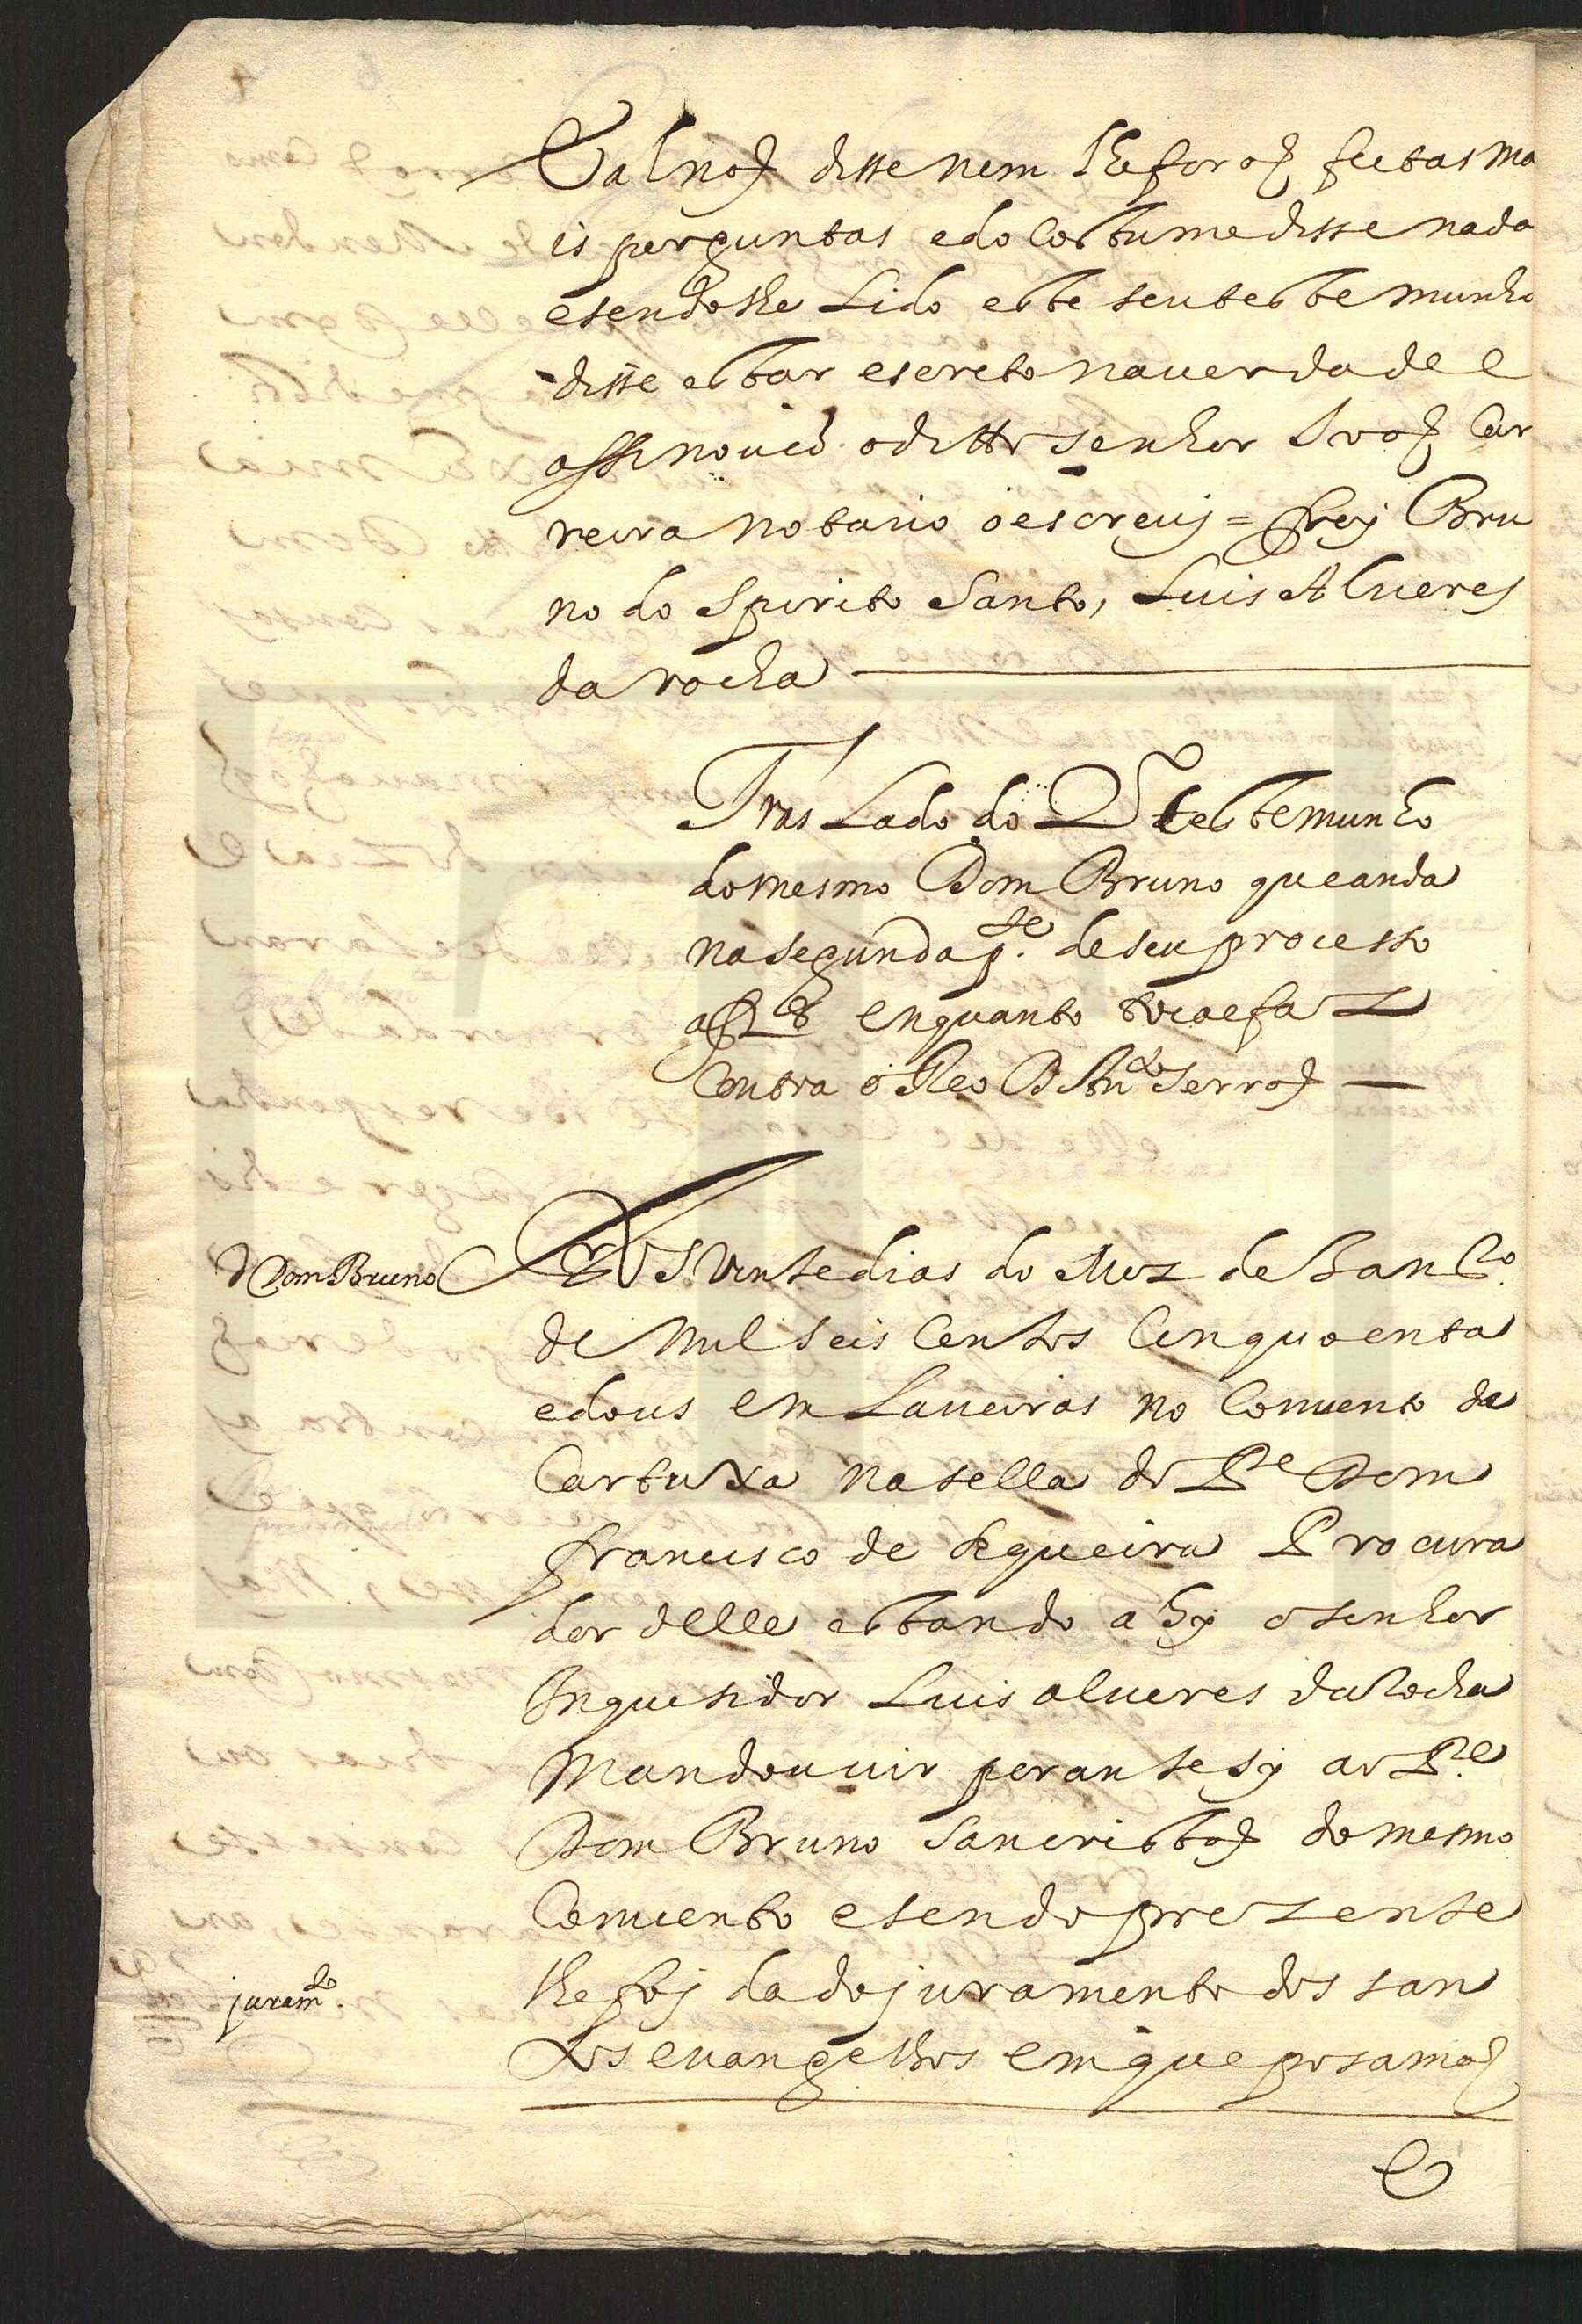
E al naõ disse nem lhe forão feitas ma
is perguntas e do costume disse nada
e sendolhe Lido este seu testemunho
disse estar escrito na uerdade e
assinou cō o ditto senhor Ioaõ Car
reira notario o escreuj = frey Bru
no do Spirito Santo, Luis Alueres
da rocha
TrasLado do 2º testemunho
do mesmo Dom Bruno que anda
na segunda p.te de seu processo
a fl 8 enquanto toca e faZ
contra o Reo D Anto Serraõ
Aos vinte dias do Mez de Ianro.
de mil seisCentos Cinquoenta
e dous em Laueiras no Conuento de
Cartuxa na sella do Pe Dom
Francisco de Sequeira Procura
dor delle estando ahy o senhor
Inquisidor Luis alueres da Rocha
mandou uir perante sy ao P.e
Dom Bruno Sancristaõ do mesmo
Conuento e sendo prezente
lhe foj dado juramento dos san
tos euangelhos em que pos a maõ
